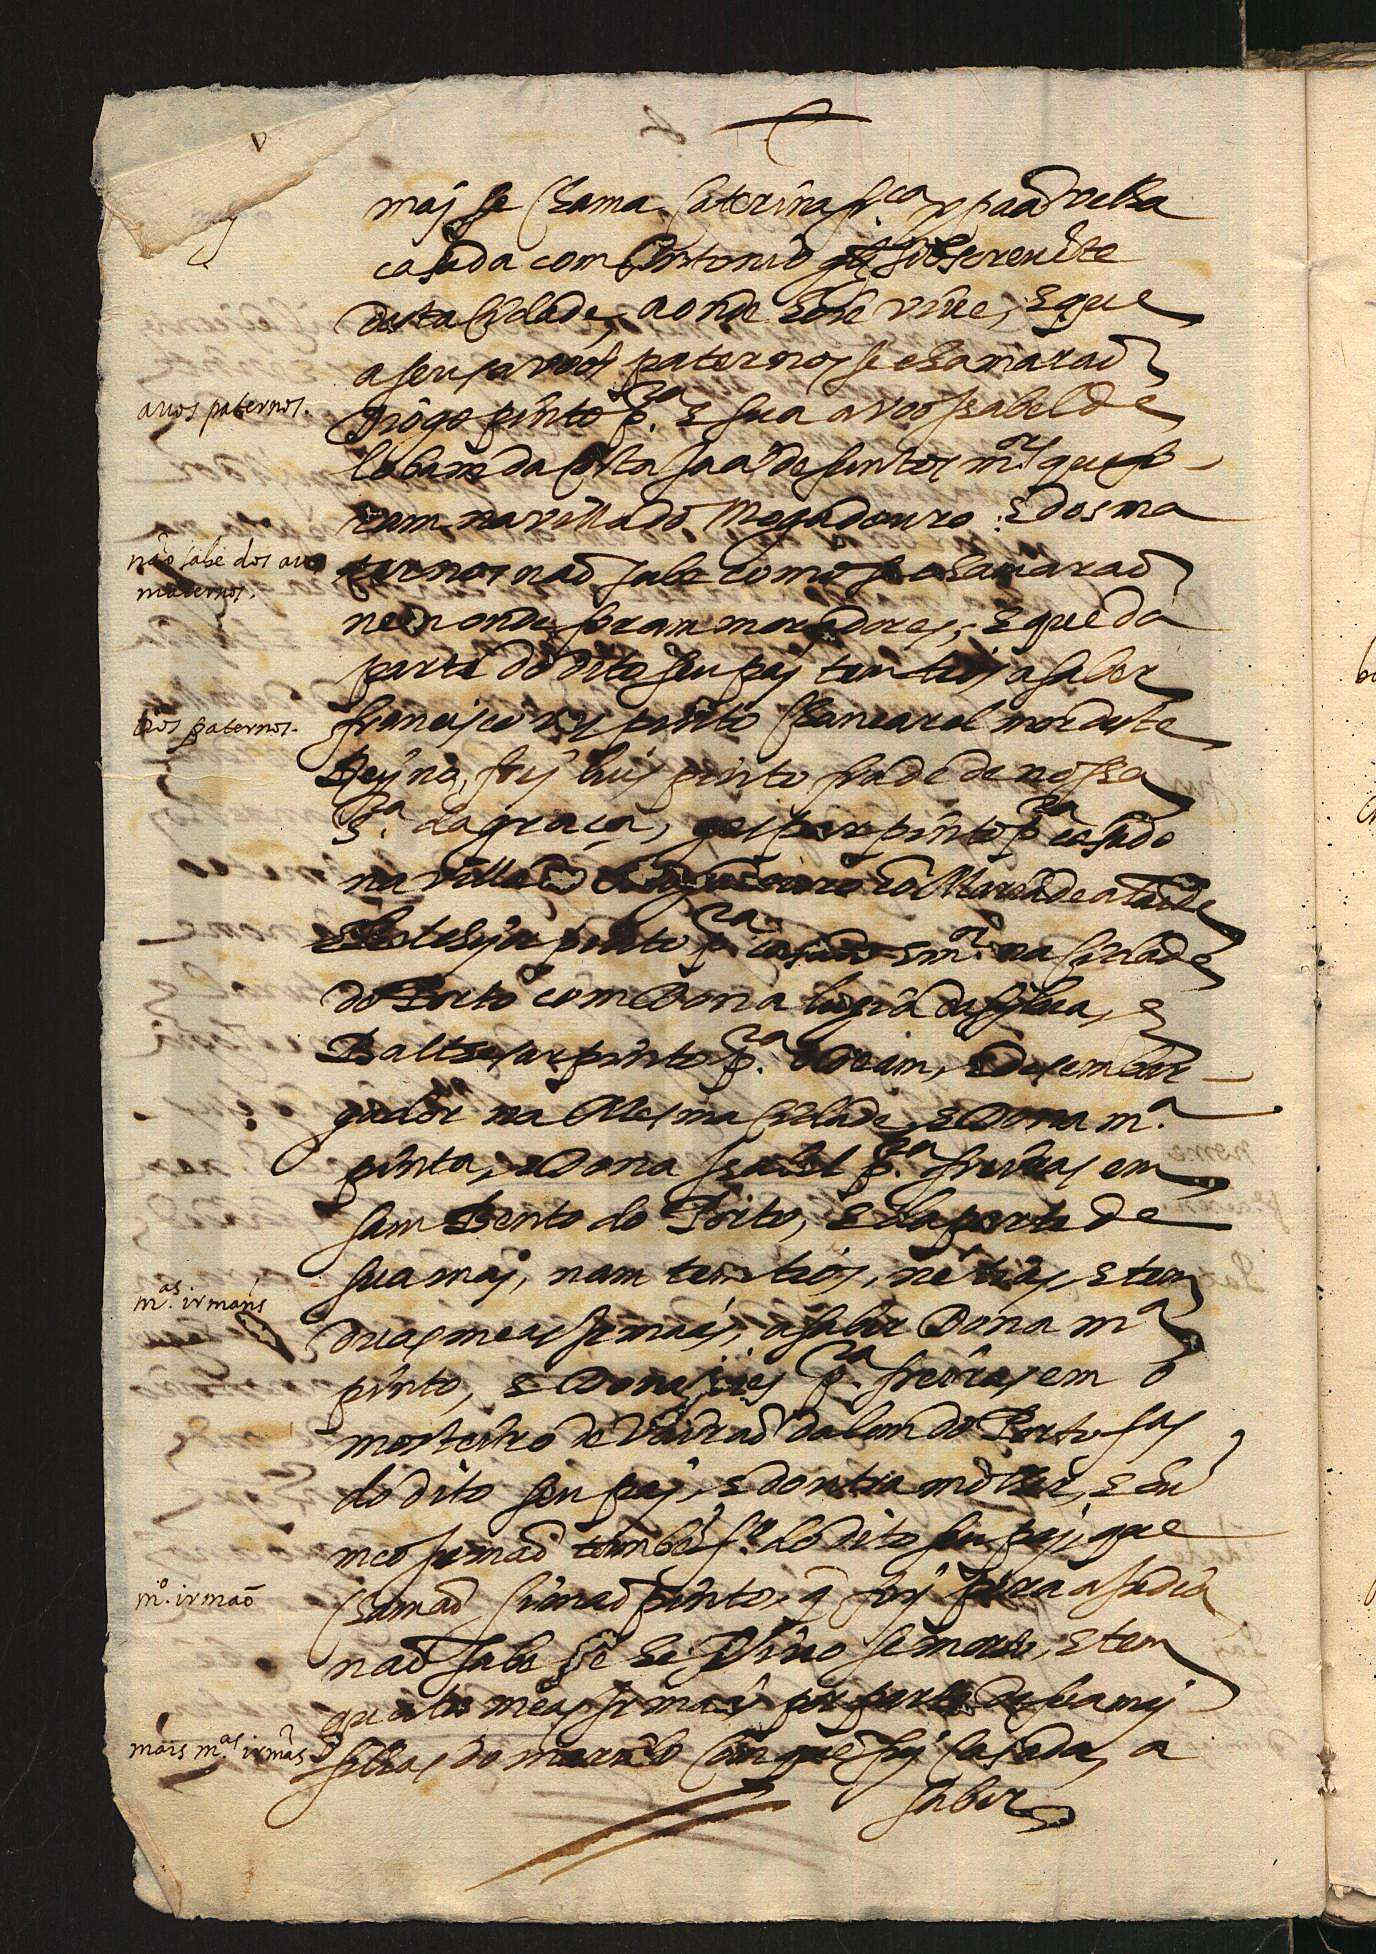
maj se Chama Caterina fr.ca xpaã velha
I
casada com Antonio glz̄ sobscreuēte
desta Cidade, aonde hoie viue, E que
a seus avoos paternos se chamaraõ
auos paternos.
Diogo pinto p.ra E sua avoo Jsabel de
lobam da Costa Jaa defuntos m.ors que fo
ram na villa do Mogadouro: E dos ma
não sabe dos avos
maternos.
ternos naõ sabe como se chamaraõ
nem onde foram moradores, E que da
parte do dito seu paj tem tios a saber
francisco vaz pinto Chancarel mor deste
tios paternos.
Reyno, frej luis pinto frade de nossa
s.ra da graça, gaspar pinto pra casado
na villa _ Mogadouro cō Maria de ataide
E Belchior pinto p.ra casado E mor na Cidade
do Porto com Dona luzia da sjlua, E
Balthesar pinto p.ra o deam, E desembar
gador na Mesma Cidade, e Dona m.a
pinta, Dona Jsabel p.ra freiras em
sam Bento do Porto, e da parte de
sua maj, nam tem tios, nē tias, E tem
m.as irman̄s
duas meas Jrmaās, a saber Dona ma
pinto, E Dona jnes p.ra freiras em o
mosteiro de Vairaõ dalem do Porto fas
do dito seu paj, e doutra molher, E hū
meo Jrmaõ tambē f.o do dito seu paj que
Chamaõ simaõ pinto, q̄ foy pera a Jndia
m.o irmaõ
naõ sabe se he Viuo se morto, E tem
quatro meas Jrmaās por parte de sua maj
mais m.as irmãs
filhas do marido Com que foj Casada, a
saber
